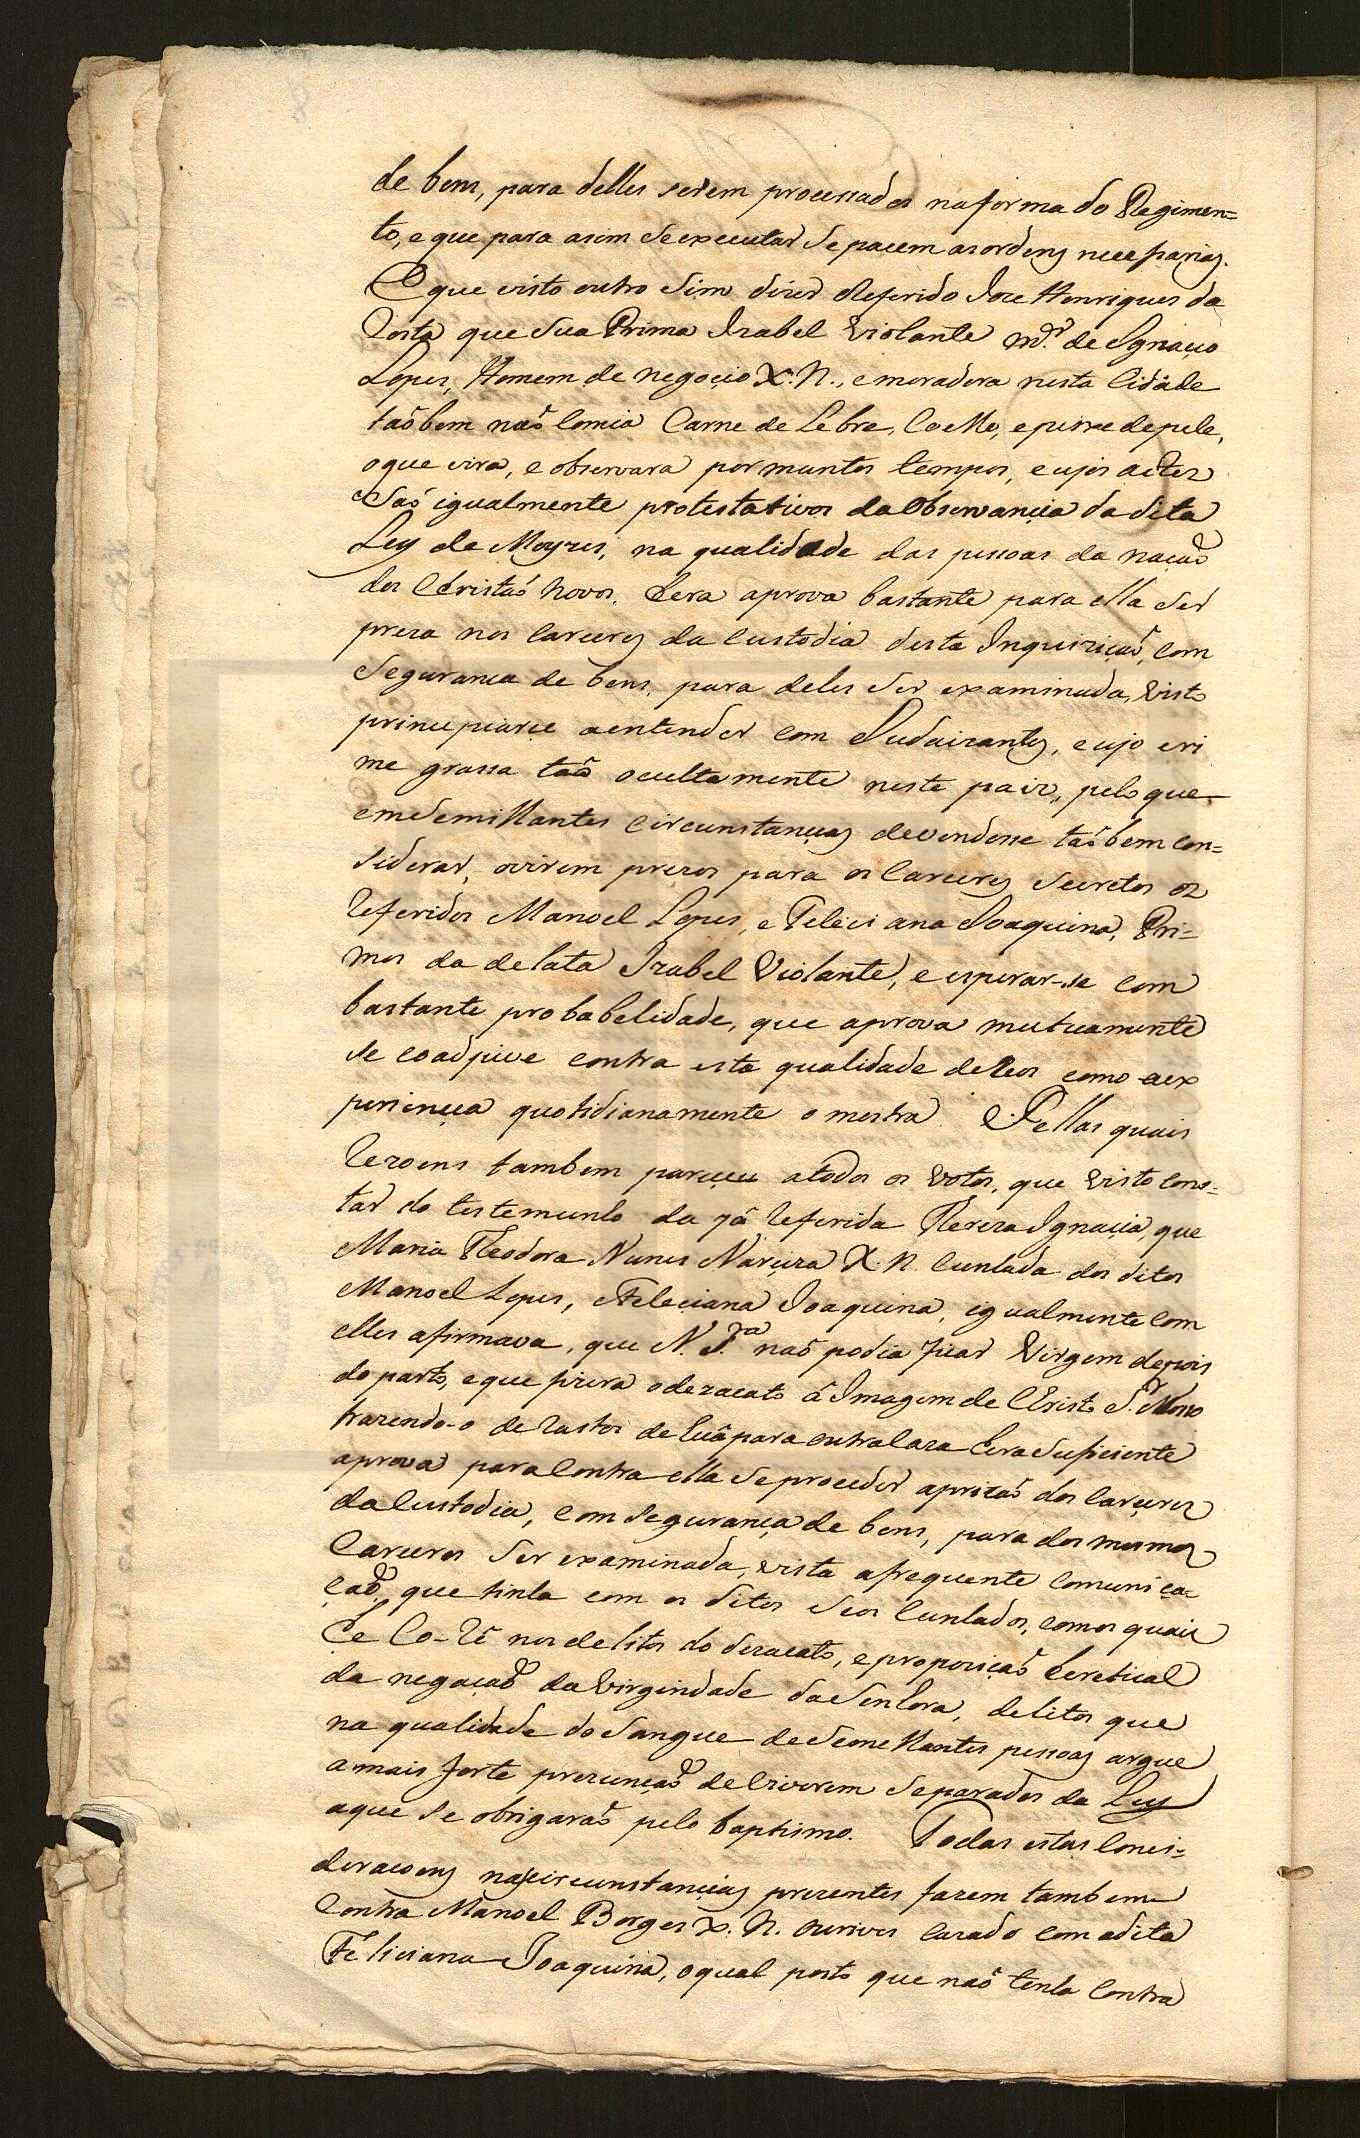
de bem, para delles serem processados na forma do Regimen
to, e que para asim se executar se pacem as ordens necessarias.
E que visto outrosim dizer o Referido Ioze Henriques da
Costa que sua Prima Izabel Violante m.er de Ignacio
Lopes, Homem de negocio x. n., e moradora nesta Cidade
taõbem naõ comia Carne de Lebre, Coelho, e peixe de pele,
o que vira, e observara por muntos tempos, cujos actos
Saõ igualmente protestativos da observancia da dita
Ley de Moyzes, na qualidade das pessoas da naçaõ
dos Christaõ novos. Hera a prova bastante para ella ser
preza nos carceres da Custodia desta Inquiziçaõ, com
segurança de bens para deles ser examinada, visto
principiarce a entender com Iudaizantes, cujo cri
me grassa taõ ocultamente neste paiz, pelo que
em semilhantes circunstancias devendosse taõbem con
siderar, o virem prezos para os Carceres secretos oz
Referidos Manoel Lopes, e Feleciana Ioaquina, Pri
mos da delata Izabel Violante, e esperar-se com
bastante probabelidade, que a prova mutuamente
se coadjuice contra esta qualidade de Reos como a ex
periencia quotidianamente o mostra Pellas quais
Rezoens tambem pareceu a todos os votos, que visto cons
tar do testemunho da já Referida Thereza Ignacia, que
Maria Theodora Nunes Narciza x. n. cunhada dos ditos
Manoel Lopes, e Feleciana Ioaquina, igualmente com
elles afirmava, que N. S.ra naõ podia ficar Virgem depois
do parto, e que fizera o dezacato á Imagem de Christo S.r Nosso
trazendo-o de Rastos de huā para outra caza hera suficiente
a prova para contra ella se proceder a prizaõ dos carceres
da custodia, com segurança de bens, para dos mesmos
Carceres Ser examinada, vista a frequente comunica
çaõ, que tinha com os ditos seos Cunhados, com os quais
he Co-Ré nos delitos do dezacato, e propoziçaõ heretical
da negaçaõ da Virgindade da Senhora, delitos que
na qualidade do sangue de semelhantes pessoas argue
a mais forte presunçaõ de viverem separadas da Ley
a que se obrigaraõ pelo baptismo.
Todas estas Conci
deraçoens nas circunstançias prezentes fazem tambem
Contra Manoel Borges x. n. ourives cazado com a dita
Feliciana Ioaquina, o qual posto que naõ tenha contra
